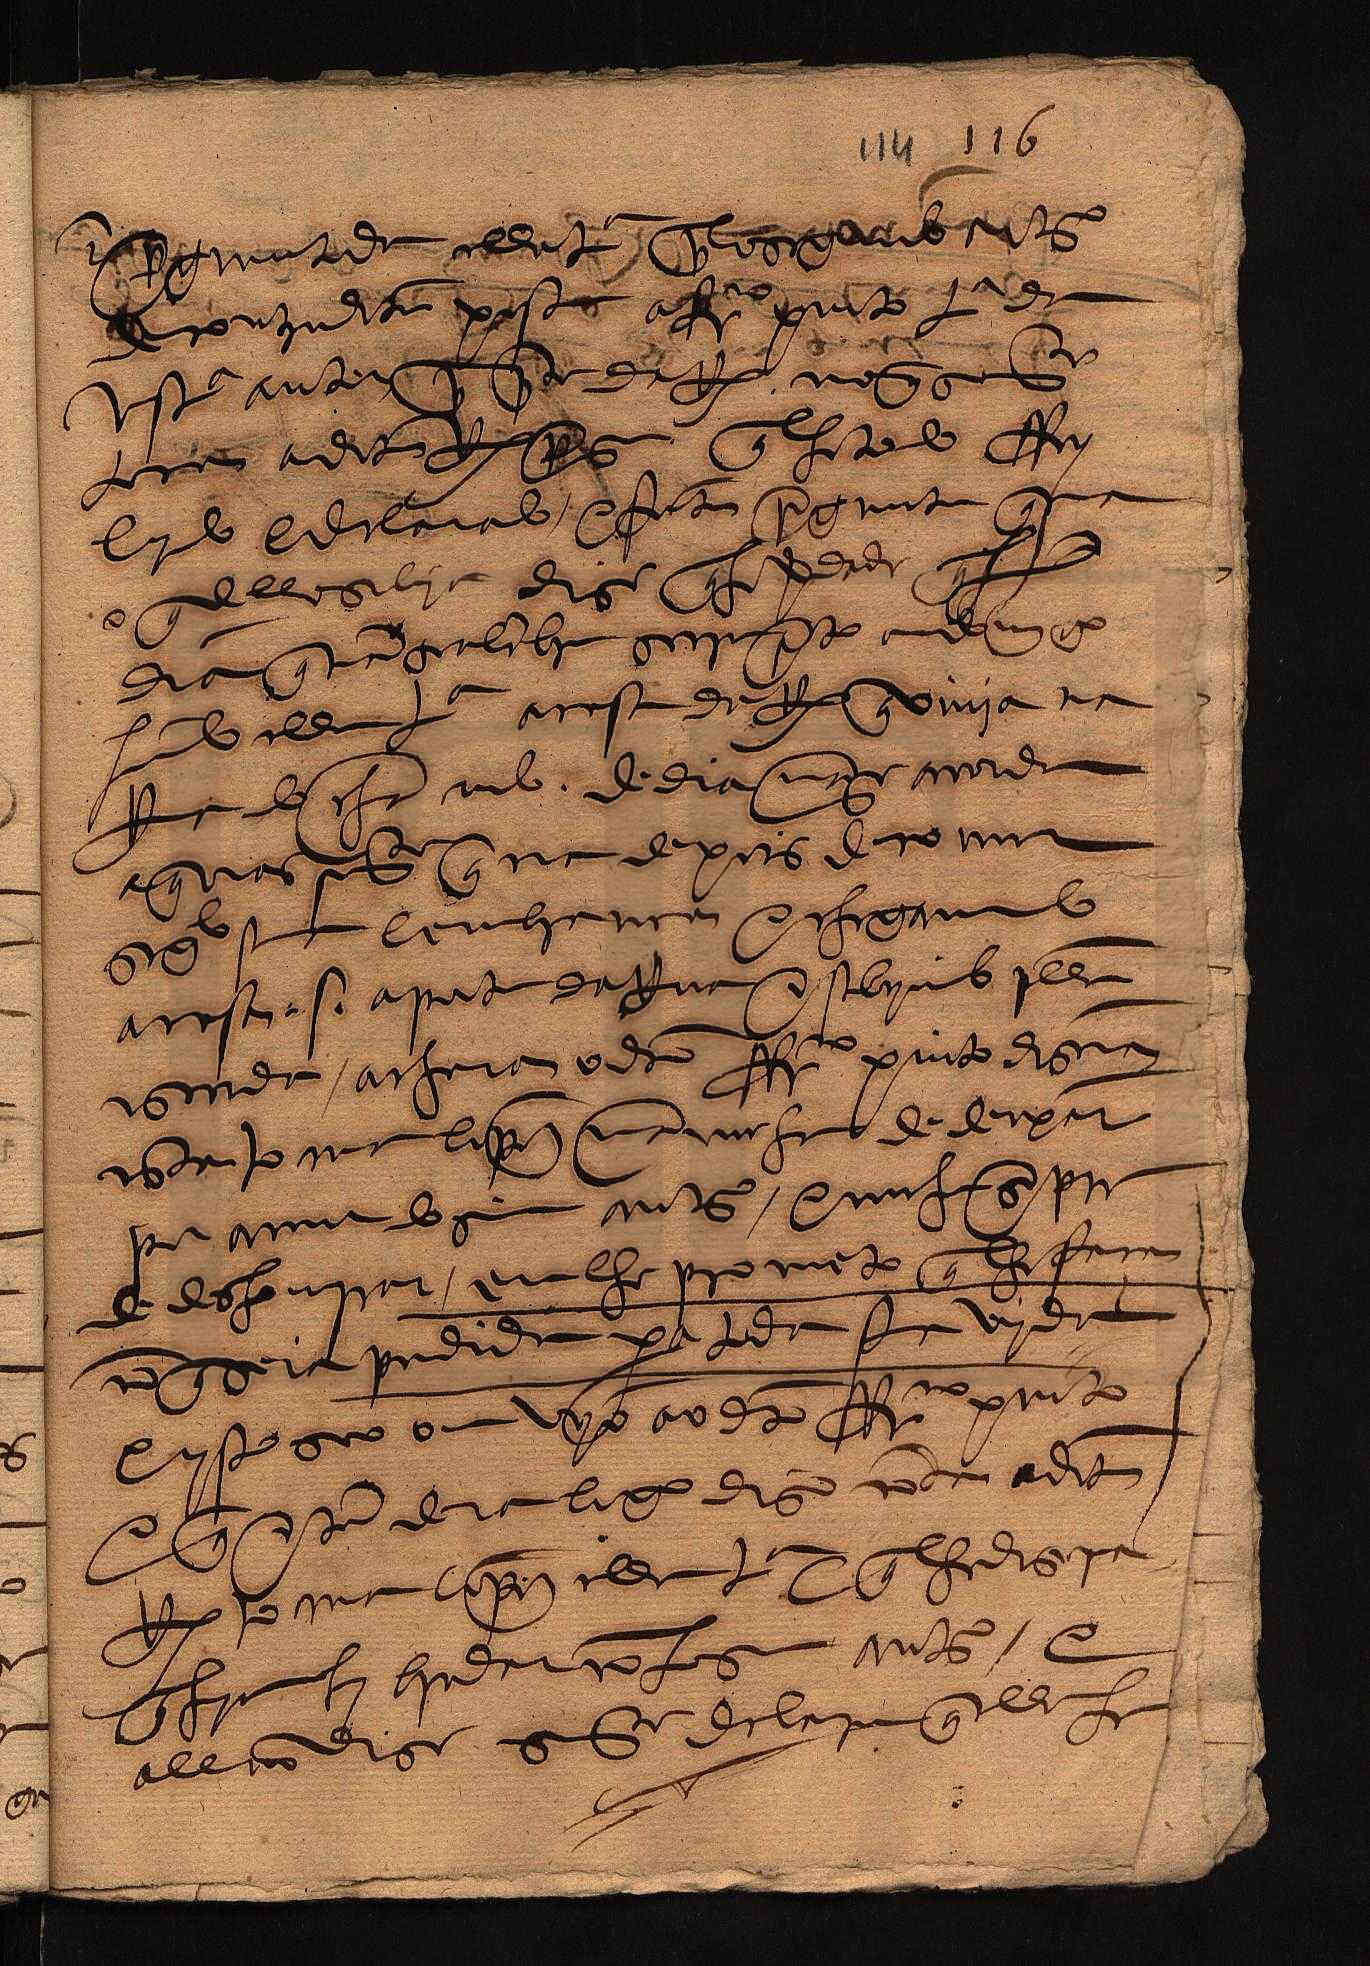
item p̄gumtada ella ta p̄lo segundo arto
de contradita posta a frco pinto ta da
justa autor p̄o p̄te da Rꝭ no q̄ somte
toca a dita Rꝭ p̄sa q̄ lhe todo ffoy
lydo e declarado / e fecta p̄gunta q̄ era
o q̄ dello sabya dise q̄ he ꝟdade q̄ ho
dia q̄ nā se alēbra se era sāto ou domj̄go
hindo ella ta a casa da Rꝭ q̄ viuja na
Rua do chācudo . de dia nā se acorda
a q̄ oras somte q̄ era depois de comer
segdo sua lembrança e chegando
a casa .s. a porta da Rua ē sahyndo pl̄la
estrada / achara o dtō ffrco pinto disera
esta Joana lopez nā me ha de deixar
por amor do seu anto / e me ha sēpre
de deshonrrar / eu lhe prometo q̄ lhe faça
c̄o q̄ seia perdida ꝑa toda sua vyda
e ysto soo ouvyo ao dt̄o ffrco pinto
de q̄ ētā dera logo diso cōta a dita
Rꝭ Joana lopez ella ta e q̄ lhe disera
q̄ hya hy bradar c̄o ho seu anto / e
all nō dise somte declara q̄ ella he
